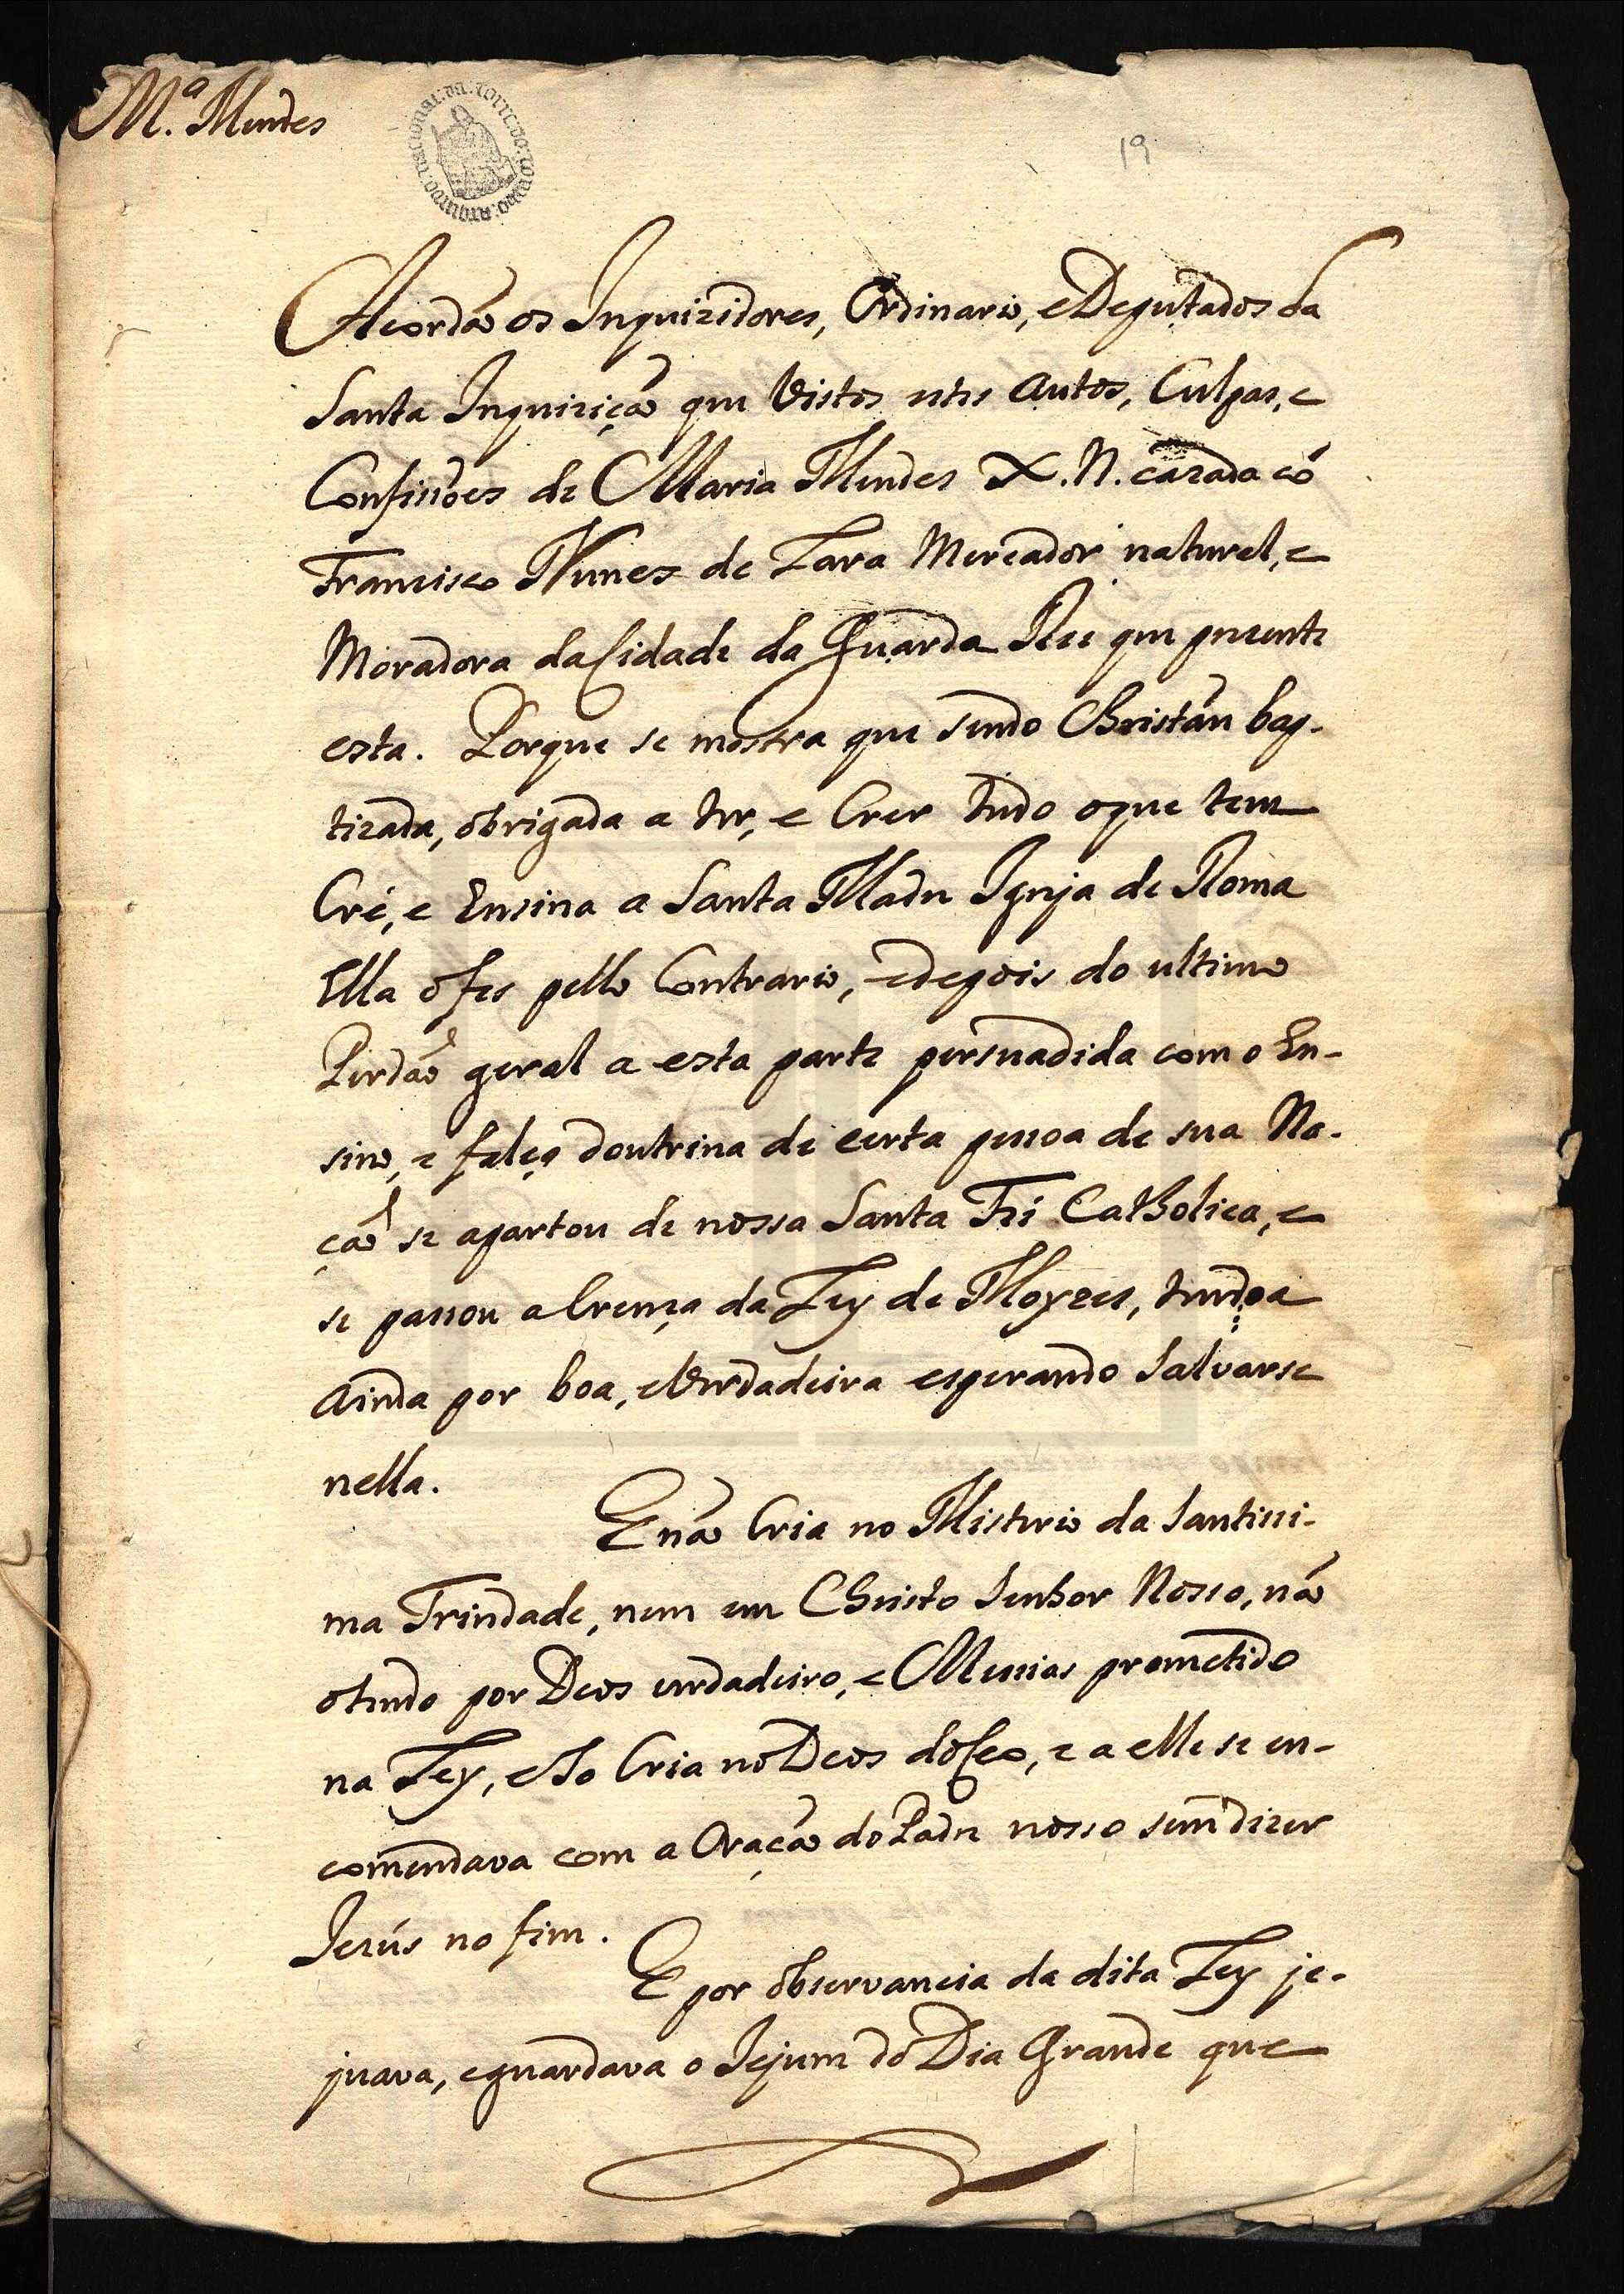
M.a Mendes
Acordão os Inquizidores, Ordinario, e Deputados da
Santa Inquizição que Vistos estes Autos, Culpas, e
Confissões de Maria Mendes X. N. cazada cō
Francisco Nunes de Lara Mercador natural, e
Moradora da Cidade da Guarda Ree que prezente
esta. Porque se mostra que sendo Christān bap
tizada, obrigada a ter, e Crer tudo o que tem
Cré, e Ensina a Santa Madre Igreja de Roma
Ella o fes pello Contrario, e depois do ultimo
Perdaõ geral a esta parte persuadida com o En
sino, a falça doutrina de certa pessoa de sua Na
çaõ se apartou de nossa Santa Feé Catholica,
se passou a Crença da Ley de Moyzes, tendoa
ainda por boa, e verdadeira esperando salvarse
nella.
E não Cria no Misterio da Santissi
ma Trindade, nem em Christo Senhor Nosso, não
o tendo por Deos verdadeiro, e Messias prometido
na Ley, e so Cria no Deos do Ceo, e a elle se en
comendava com a Oração do Padre nosso sem dizer
Iezús no fim.
E por observancia da dita Ley je
juava, e guardava o Jejum do Dia Grande que
